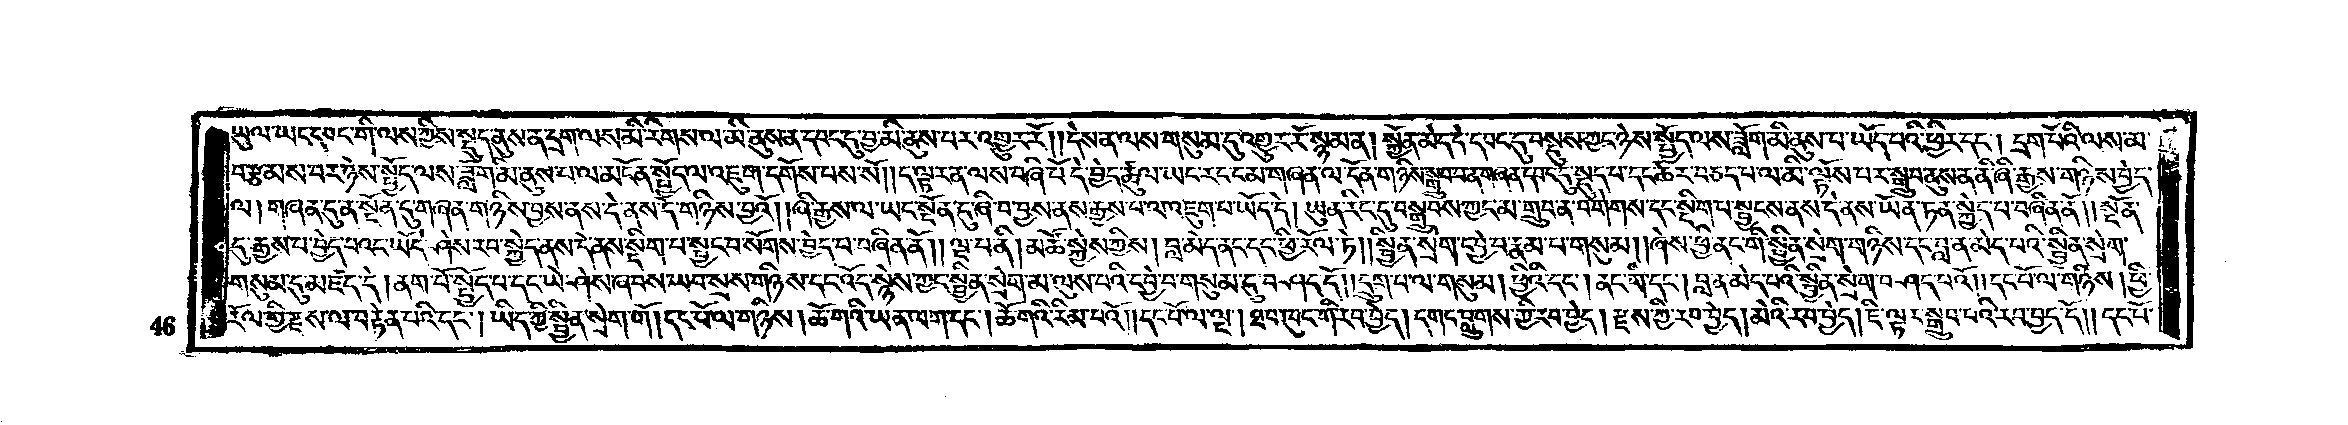ཡུལ་ཡང་དབང་གི་ལས་ཀྱིས་སྡུད་ནུས་ན་དྲག་ལས་མི་རིགས་ལ་མི་ནུས་ན་དབང་དུ་བྱ་མི་ནུས་པར་འགྱུར་རོ། །དེས་ན་ལས་གསུམ་དུ་འགྱུར་རོ་སྙམ་ན། སྐྱོན་མེད་དེ་དབང་དུ་བསྡུས་ཀྱང་ཉེས་སྤྱོད་ལས་ཟློག་མི་ནུས་པ་ཡོད་པའི་ཕྱིར་དང་། དྲག་པོའི་ལས་མ་
བརྩམས་བར་ཉེས་སྤྱོད་ལས་ཟློག་མི་ནུས་པ་ལ་མངོན་སྤྱོད་ལ་འཇུག་དགོས་པས་སོ། །ད་ལྟར་ན་ལས་བཞི་པོ་དེ་བྱེད་ཚུལ་ཡང་རང་ངམ་གཞན་ལ་དོན་གཉིས་སྒྲུབ་པ་ན་གཞན་དབང་དུ་སྡུད་པ་དང་ཚར་བཅད་པ་ལ་མི་ལྟོས་པར་སྒྲུབ་ནུས་ན་ནི་ཞི་རྒྱས་གཉིས་བྱེད་
ལ། གཞན་དུ་ན་སྔོན་དུ་གཞན་གཉིས་བྱས་ནས་དེ་ནས་དེ་གཉིས་བྱའོ། །ཞི་རྒྱས་ལ་ཡང་སྔོན་དུ་ཞི་བ་བྱས་ནས་རྒྱས་པ་ལ་འཇུག་པ་ཡོད་དེ། ཡུན་རིང་དུ་བསྒྲུབས་ཀྱང་མ་གྲུབ་ན་བགེགས་དང་སྡིག་པ་སྦྱངས་ནས་དེ་ནས་ཡོན་ཏན་སྐྱེད་པ་བཞིན་ནོ། །སྔོན་
དུ་རྒྱས་པ་བྱེད་པའང་ཡོད་དེ་ཤེས་རབ་སྐྱེད་ནས་དེ་ནས་སྡིག་པ་སྦྱང་བ་སོགས་བྱེད་པ་བཞིན་ནོ། །ལྔ་པ་ནི། མཚོ་སྐྱེས་ཀྱིས། བླ་མེད་ནང་དང་ཕྱི་རོལ་ཏེ། །སྦྱིན་སྲེག་དབྱེ་བ་རྣམ་པ་གསུམ། །ཞེས་ཕྱི་ནང་གི་སྦྱིན་སྲེག་གཉིས་དང་བླ་ན་མེད་པའི་སྦྱིན་སྲེག་
གསུམ་དུ་མཛད་དེ། ནག་པོ་སྤྱོད་པ་དང་ཡེ་ཤེས་ཞབས་ཡབ་སྲས་གཉིས་དང་འོད་སྙེས་ཀྱང་སྦྱིན་སྲེག་མ་ལུས་པའི་དབྱེ་བ་གསུམ་དུ་བཤད་དོ། །དྲུག་པ་ལ་གསུམ། ཕྱིའི་དང་། ནང་གི་དང་། བླ་ན་མེད་པའི་སྦྱིན་སྲེག་བཤད་པའོ། །དང་པོ་ལ་གཉིས། ཕྱི་
རོལ་གྱི་རྫས་ལ་བརྟེན་པའི་དང་། ཡིད་ཀྱི་སྦྱིན་སྲེག་གོ །དང་པོ་ལ་གཉིས། ཆོ་གའི་ཡན་ལག་དང་། ཆོ་གའི་རིམ་པའོ། །དང་པོ་ལ་ལྔ། ཐབ་ཁུང་གི་རབ་བྱེད། དགང་བླུགས་ཀྱི་རབ་བྱེད། རྫས་ཀྱི་རབ་བྱེད། མིའི་རབ་བྱེད། ཇི་ལྟར་སྒྲུབ་པའི་རབ་བྱེད་དོ། །དང་པོ་